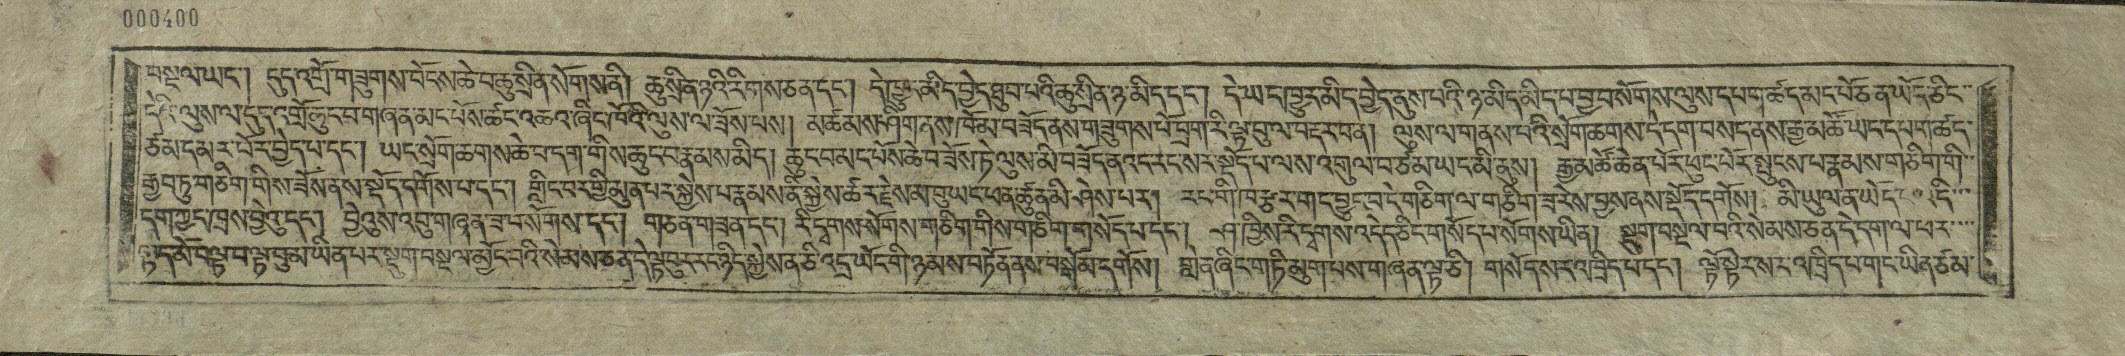བསྔལ་ཡང་། དུད་འགྲོ་གཟུགས་བོངས་ཆེ་བ་ཆུ་སྲིན་སོགས་ནི། ཆུ་སྲིན་ཉའི་རིགས་ཅན་དང་། དེ་ཁྱུར་མིད་བྱེད་ཐུབ་པའི་ཆུ་སྲིན་ཉ་མིད་དང་། དེ་ཡང་ཁུར་མི་བྱེད་ནུས་པའི་ཉ་མིད་མིད་པ་བྱ་བ་སོགས་ལུས་དཔག་ཚད་མང་པོ་ཅན་ཡོད་ཅིང་
དེའི་ལུས་ལ་དུད་འགྲོ་ཆུང་བ་གཞན་མང་པོས་ཚང་འཆའ་ཞིང་ཁོའི་ལུས་ལ་ཟོས་པས། མཚམས་ཤིག་ནས་ཁོ་མ་བཟོད་ནས་གཟུགས་པོ་བྲག་རི་ལྟ་བུ་ལ་བརྡར་བ་ན། ལུས་ལ་གནས་པའི་སྲོག་ཆགས་དེ་དག་བསད་ནས་རྒྱ་མཚོ་ཡང་དཔག་ཚད་
ཙམ་དམར་པོར་བྱེད་པ་དང་། ཡང་སྲོག་ཆགས་ཆེ་བ་དག་གིས་ཆུང་བ་རྣམས་མིད། ཆུང་བ་མང་པོས་ཆེ་བ་ཟོས་ཏེ་ལུས་མི་བཟོད་ནའང་རང་སར་སྡོད་པ་ལས་འགུལ་བ་ཙམ་ཡང་མི་ནུས། རྒྱ་མཚོ་ཆེན་པོར་ཕུང་པོར་སྤུངས་པ་རྣམས་གཅིག་གི་
རྒྱབ་ཏུ་གཅིག་གིས་ཟོས་ནས་སྡོད་དགོས་པ་དང་། གླིང་བར་གྱི་མུན་པར་སྐྱེས་པ་རྣམས་ནི་སྐྱེས་ཚར་རྗེས་མ་བུ་ཡང་ཕན་ཚུན་མི་ཤེས་པར། རང་གི་ཁ་རྩར་གང་བྱུང་བ་དེ་གཅིག་ལ་གཅིག་ཟ་རེས་བྱས་ནས་སྡོད་དགོས། མི་ཡུལ་ན་ཡོད་པ་འདི་
དག་ཀྱང་ཁྲས་བྱེའུ་དང་། བྱེའུས་འབུ་གཞན་ཟ་བ་སོགས་དང་། གཅན་གཟན་དང་། རི་དྭགས་སོགས་གཅིག་གིས་གཅིག་གསོད་པ་དང་། ཤ་ཁྱིས་རི་དྭགས་འདོད་ཅིང་གསོད་པ་སོགས་ཡིན། སྡུག་བསྔལ་བའི་སེམས་ཅན་དེ་དག་ལ་ཕར་
ལྟད་མོ་བལྟ་བ་ལྟ་བུ་མ་ཡིན་པར་སྡུག་བསྔལ་མྱོང་བའི་སེམས་ཅན་དེ་ལྟ་བུར་རང་ཉིད་སྐྱེས་ན་ཅི་འདྲ་ཡོང་གི་ཉམས་བཏོན་ནས་བསྒོམ་དགོས། གླེན་ཞིང་གཏི་མུག་པས་གཞན་ལྟ་ཅི། གསོད་སར་འཁྲིད་པ་དང་། ལྟོ་སྟེར་སར་འཁྲིད་པ་གང་ཡིན་ཙམ་